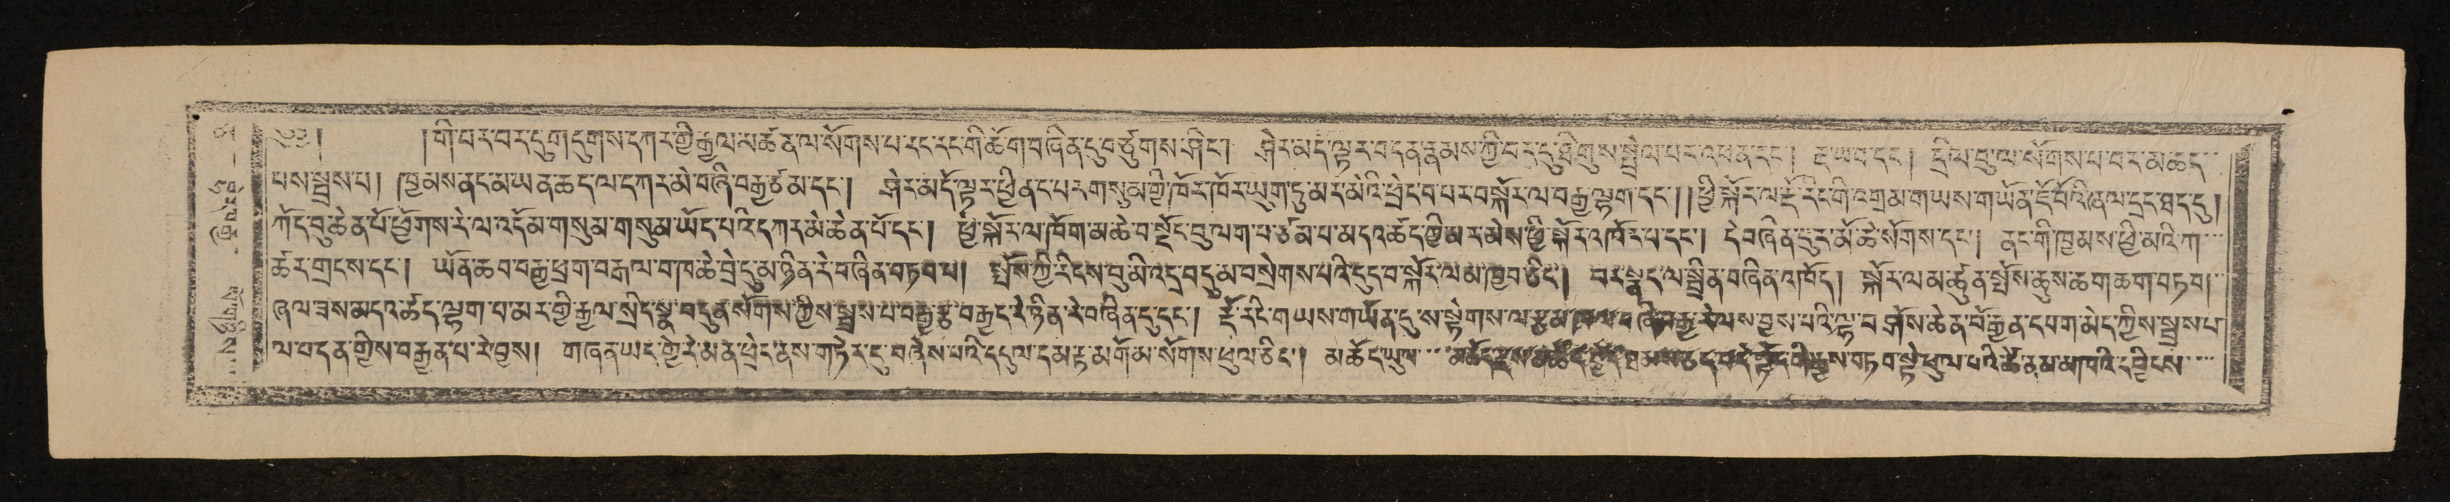༄༅། །གི་བར་བར་དུ་གདུགས་དཀར་གྱི་རྒྱལ་མཚན་ལ་སོགས་པ་རང་རང་གི་ཆོ་ག་བཞིན་དུ་བཙུགས་ཤིང་། ཤེར་མདོ་ལྟར་བ་དན་རྣམས་ཀྱི་བར་དུ་ཐི་གུས་སྤྲེལ་བར་འཕན་དང་། རྔ་ཡབ་དང་། དྲིལ་བུ་ལ་སོགས་པ་བར་མ་ཆད་
པས་སྤྲས་པ། ཁྱམས་ནང་མ་ཡན་ཆད་ལ་དཀར་མེ་བཞི་བརྒྱ་ཙམ་དང་། ཤེར་མདོ་ལྟར་ཕྱི་ནང་བར་གསུམ་གྱི་ཁོར་ཁོར་ཡུག་ཏུ་མར་མེའི་ཕྲེང་བ་པར་བསྐོར་ལ་བརྒྱ་ལྷག་དང་། ཕྱི་སྐོར་ལ་རྡོ་རིང་གི་འགྲམ་གཡས་གཡོན་ཇོ་བོའི་ཞལ་དྲང་ཐད་དུ།
ཀོང་བུ་ཆེན་པོ་ཕྱོགས་རེ་ལ་འདོམ་གསུམ་གསུམ་ཡོད་པའི་དཀར་མེ་ཆེན་པོ་དང་། ཕྱི་སྐོར་ལ་ཁོག་མ་ཆེ་བ་སྡོང་བུ་ལག་པ་ཙམ་པ་མདའ་ཚད་ཀྱི་མར་མེས་ཕྱི་སྐོར་འཁོར་བ་དང་། དེ་བཞིན་དུ་ར་མོ་ཆེ་སོགས་དང་། ནང་གི་ཁྱམས་ཕྱི་མའི་ཀ་
ཚར་གྲངས་དང་། ཡོན་ཆབ་བརྒྱ་ཕྲག་བརྒལ་བ་ཁ་ཆེ་བྲེ་དུ་མ་ཉིན་རེ་བཞིན་བཏབ་པ། སྤོས་ཀྱི་རིངས་བུ་མི་འདྲ་བ་དུ་མ་བསྲེགས་པའི་དུད་པ་སྐོར་ལམ་ཁྱབ་ཅིང་། བར་སྣང་ལ་སྤྲིན་བཞིན་འཁོད། སྐོར་ལམ་ཚུན་སྤོས་ཆུས་ཆག་ཆག་བཏབ།
ཞལ་ཟས་མདའ་ཚད་ལྷག་བ་མར་གྱི་རྒྱལ་སྲིད་སྣ་བདུན་སོགས་ཀྱིས་སྤྲས་པ་བརྒྱ་རྩ་བརྒྱད་རེ་ཉིན་རེ་བཞིན་དུ་དང་། རྡོ་རིང་གཡས་གཡོན་དུ་ས་སྟེགས་ལ་རྩམ་ཁལ་བཞི་བརྒྱ་རེ་ལས་བྱས་པའི་ལྷ་བཤོས་ཆེན་པོ་རྒྱན་དཔག་མེད་ཀྱིས་སྤྲས་པ་
ལ་བ་དན་གྱིས་བརྒྱན་པ་རེ་བྱས། གཞན་ཡང་གྱེ་རེ་མན་ཕྲེང་ནས་གཏེར་དུ་བཞེས་པའི་དངུལ་དམ་རྟ་མགོ་མ་སོགས་ཕུལ་ཅིང་། མཆོད་ཡུལ་མཆོད་རྫས་མཆོད་བྱེད་ཐམས་ཅད་བདེ་སྟོང་གི་རྒྱས་བཏབ་སྟེ་ཕུལ་པའི་ཚེ་ནམ་མཁའི་དབྱིངས་